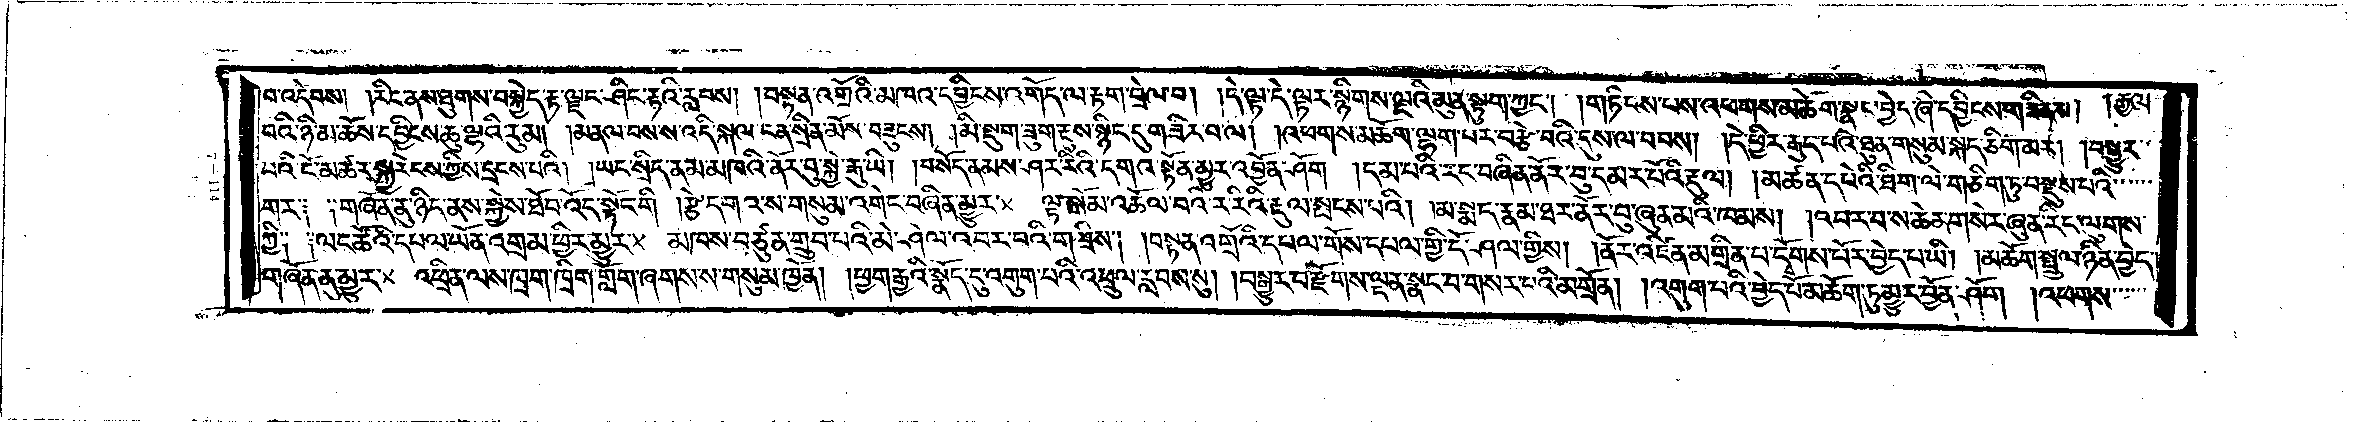བ་འདེབས། །རིང་ནས་ཐུགས་བསྐྱེད་རྟ་ལྗང་ཤིང་རྟའི་རླབས། །བསྟན་འགྲོའི་མཁའ་དབྱིངས་འགོད་ལ་རྟག་བྲེལ་བ། །དེ་ལྟ་དེ་ལྟར་སྙིགས་ལྔའི་མུན་སྟུག་ཀྱང་། །གཏིབས་པས་འཕགས་མཆོག་སྣང་བྱེད་ཞི་དབྱིངས་གཟིམས། །རྒྱལ་
བའི་ཉི་མ་ཆོས་དབྱིངས་ཆུ་ལྷའི་རུམ། །མནལ་བས་ས་འདི་སྐལ་ངན་སྲིན་མོས་བཟུངས། །མི་སྡུག་ཟུག་རྔུས་སྙིང་དུ་གཟིར་བ་ལ། །འཕགས་མཆོག་ལྷག་པར་བརྩེ་བའི་དུས་ལ་བབས། །དེ་ཕྱིར་རྒུད་པའི་ཐུན་གསུམ་སྐད་ཅིག་མར། །བསྒྱུར་
བའི་ངོ་མཚར་སྐྱ་རེངས་ཀྱིས་དྲངས་པའི། །ཡང་སྲིད་ནམ་མཁའི་ནོར་བུ་སྐྱེ་རྒུ་ཡི། །བསོད་ནམས་ཤར་རིའི་དགའ་སྟོན་མྱུར་འབྱོན་ཤོག །དམ་པའི་རང་བཞིན་ནོར་བུ་དམར་པོའི་རྡུལ། །མཚན་དཔེའི་ཐིག་ལེ་གཅིག་ཏུ་བསྡུས་པའི་
གར༑ ༑གཞོན་ནུ་ཉིད་ནས་སྐྱེས་ཐོབ་འོད་སྟོང་གི །རྩེ་དགའ་ས་གསུམ་འགེང་བཞིན་མྱུར་྾་ལྟ་སྒོམ་འཆོལ་བའི་ར་རིའི་རྡུལ་སྤངས་པའི། །མ་སྨད་རྣམ་ཐར་ནོར་བུ་ཞུན་མའི་ཁམས། །འབར་བ་ས་ཆེན་གསེར་ཞུན་རིང་ལུགས་
ཀྱི༑ ༑ལང་ཚོའི་དཔལ་ཡོན་འགྲེམ་ཕྱིར་མྱུར་྾་མཁས་བཙུན་གྲུབ་པའི་མེ་ཤེལ་འབར་བའི་གཟིས། །བསྟན་འགྲོའི་དཔལ་གོས་དཔལ་གྱི་དོ་ཤལ་གྱིས། །ནོར་འཛིན་མགྲིན་པ་དྭོགས་པོར་བྱེད་པ་ཡི། །མཆོག་སྤྲུལ་ཉིན་བྱེད་
གཞོན་ནུ་མྱུར་྾་འཕྲིན་ལས་ཁྲག་ཁྲིག་གློག་ཞགས་ས་གསུམ་ཁྱོན། །ཕྱག་རྒྱའི་སྣོད་དུ་འགུག་པའི་འཕྲུལ་རླབས་སུ། །བསྒྱུར་བ་རྫོགས་ལྡན་སྣང་བ་གསར་པའི་མགྲོན། །འགུག་པའི་བྱེད་པོ་མཆོག་ཏུ་མྱུར་བྱོན་ཤོག །འཕགས་